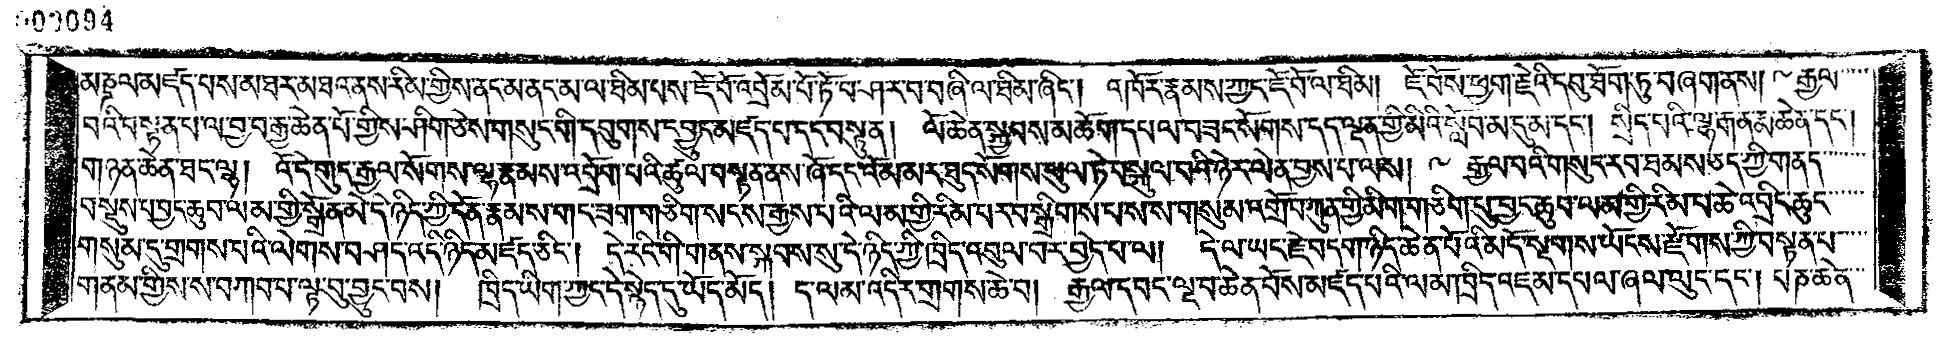མཎྜལ་མཛད་པས་མཐར་མཐའ་ནས་རིམ་གྱིས་ནང་མ་ནང་མ་ལ་ཐིམ་པས་ཇོ་བོ་འབྲོམ་པོ་ཏོ་བ་ཤ་ར་བ་བཞི་ལ་ཐིམ་ཞིང་། འཁོར་རྣམས་ཀྱང་ཇོ་བོ་ལ་ཐིམ། ཇོ་བོས་ཕྱག་རྗེའི་དབུ་ཐོག་ཏུ་བཞག་ནས། ༧་རྒྱལ་
བའི་བསྟན་པ་ལ་བྱ་བ་རྒྱ་ཆེན་པོ་གྱིས་ཤིག་ཅེས་གསུང་གི་དབུགས་དབྱུང་མཛད་པ་དང་བསྟུན། ལོ་ཆེན་སྐྱབས་མཆོག་དཔལ་བཟང་སོགས་དད་ལྡན་གྱི་མིའི་སློབ་མ་དུ་མ་དང་། སྲིད་པའི་ལྷ་རྒན་རྨ་ཆེན་དང་།
གཉན་ཆེན་ཐང་ལྷ། འོ་དེ་གུང་རྒྱལ་སོགས་ལྷ་རྣམས་འབྲོག་པའི་ཚུལ་བསྟན་ནས་ཞོ་དང་འོ་མ་མར་ཐུད་སོགས་ཕུལ་ཏེ་བསྐུལ་བའི་ཉེར་ལེན་བྱས་པ་ལས། ༧་རྒྱལ་བའི་གསུང་རབ་ཐམས་ཅད་ཀྱི་གནད་
བསྡུས་པ་བྱང་ཆུབ་ལམ་གྱི་སྒྲོན་མེ་དེ་ཉིད་ཀྱི་དོན་རྣམས་གང་ཟག་གཅིག་སངས་རྒྱས་པའི་ལམ་གྱི་རིམ་པར་བསྒྲིགས་པས་ས་གསུམ་འགྲོ་བ་ཀུན་གྱི་མིག་གཅིག་པུ་བྱང་ཆུབ་ལམ་གྱི་རིམ་པ་ཆེ་འབྲིང་ཆུང་
གསུམ་དུ་གྲགས་པའི་ལེགས་བཤད་འདི་ཉིད་མཛད་ཅིང་། དེ་རིང་གི་གནས་སྐབས་སུ་དེ་ཉིད་ཀྱི་ཁྲིད་འབུལ་བར་བྱེད་པ་ལ། དེ་ལ་ཡང་རྗེ་བདག་ཉིད་ཆེན་པོའི་མདོ་སྔགས་ཡོངས་རྫོགས་ཀྱི་བསྟན་པ་
གནམ་གྱིས་ས་བཀབ་པ་ལྟ་བུ་བྱུང་བས། ཁྲིད་ཡིག་ཀྱང་དེ་སྙེད་དུ་ཡོད་མོད། ད་ལམ་འདིར་གྲགས་ཆེ་བ། རྒྱལ་དབང་ལྔ་པ་ཆེན་པོས་མཛད་པའི་ལམ་ཁྲིད་འཇམ་དཔལ་ཞལ་ལུང་དང་། པཎ་ཆེན་